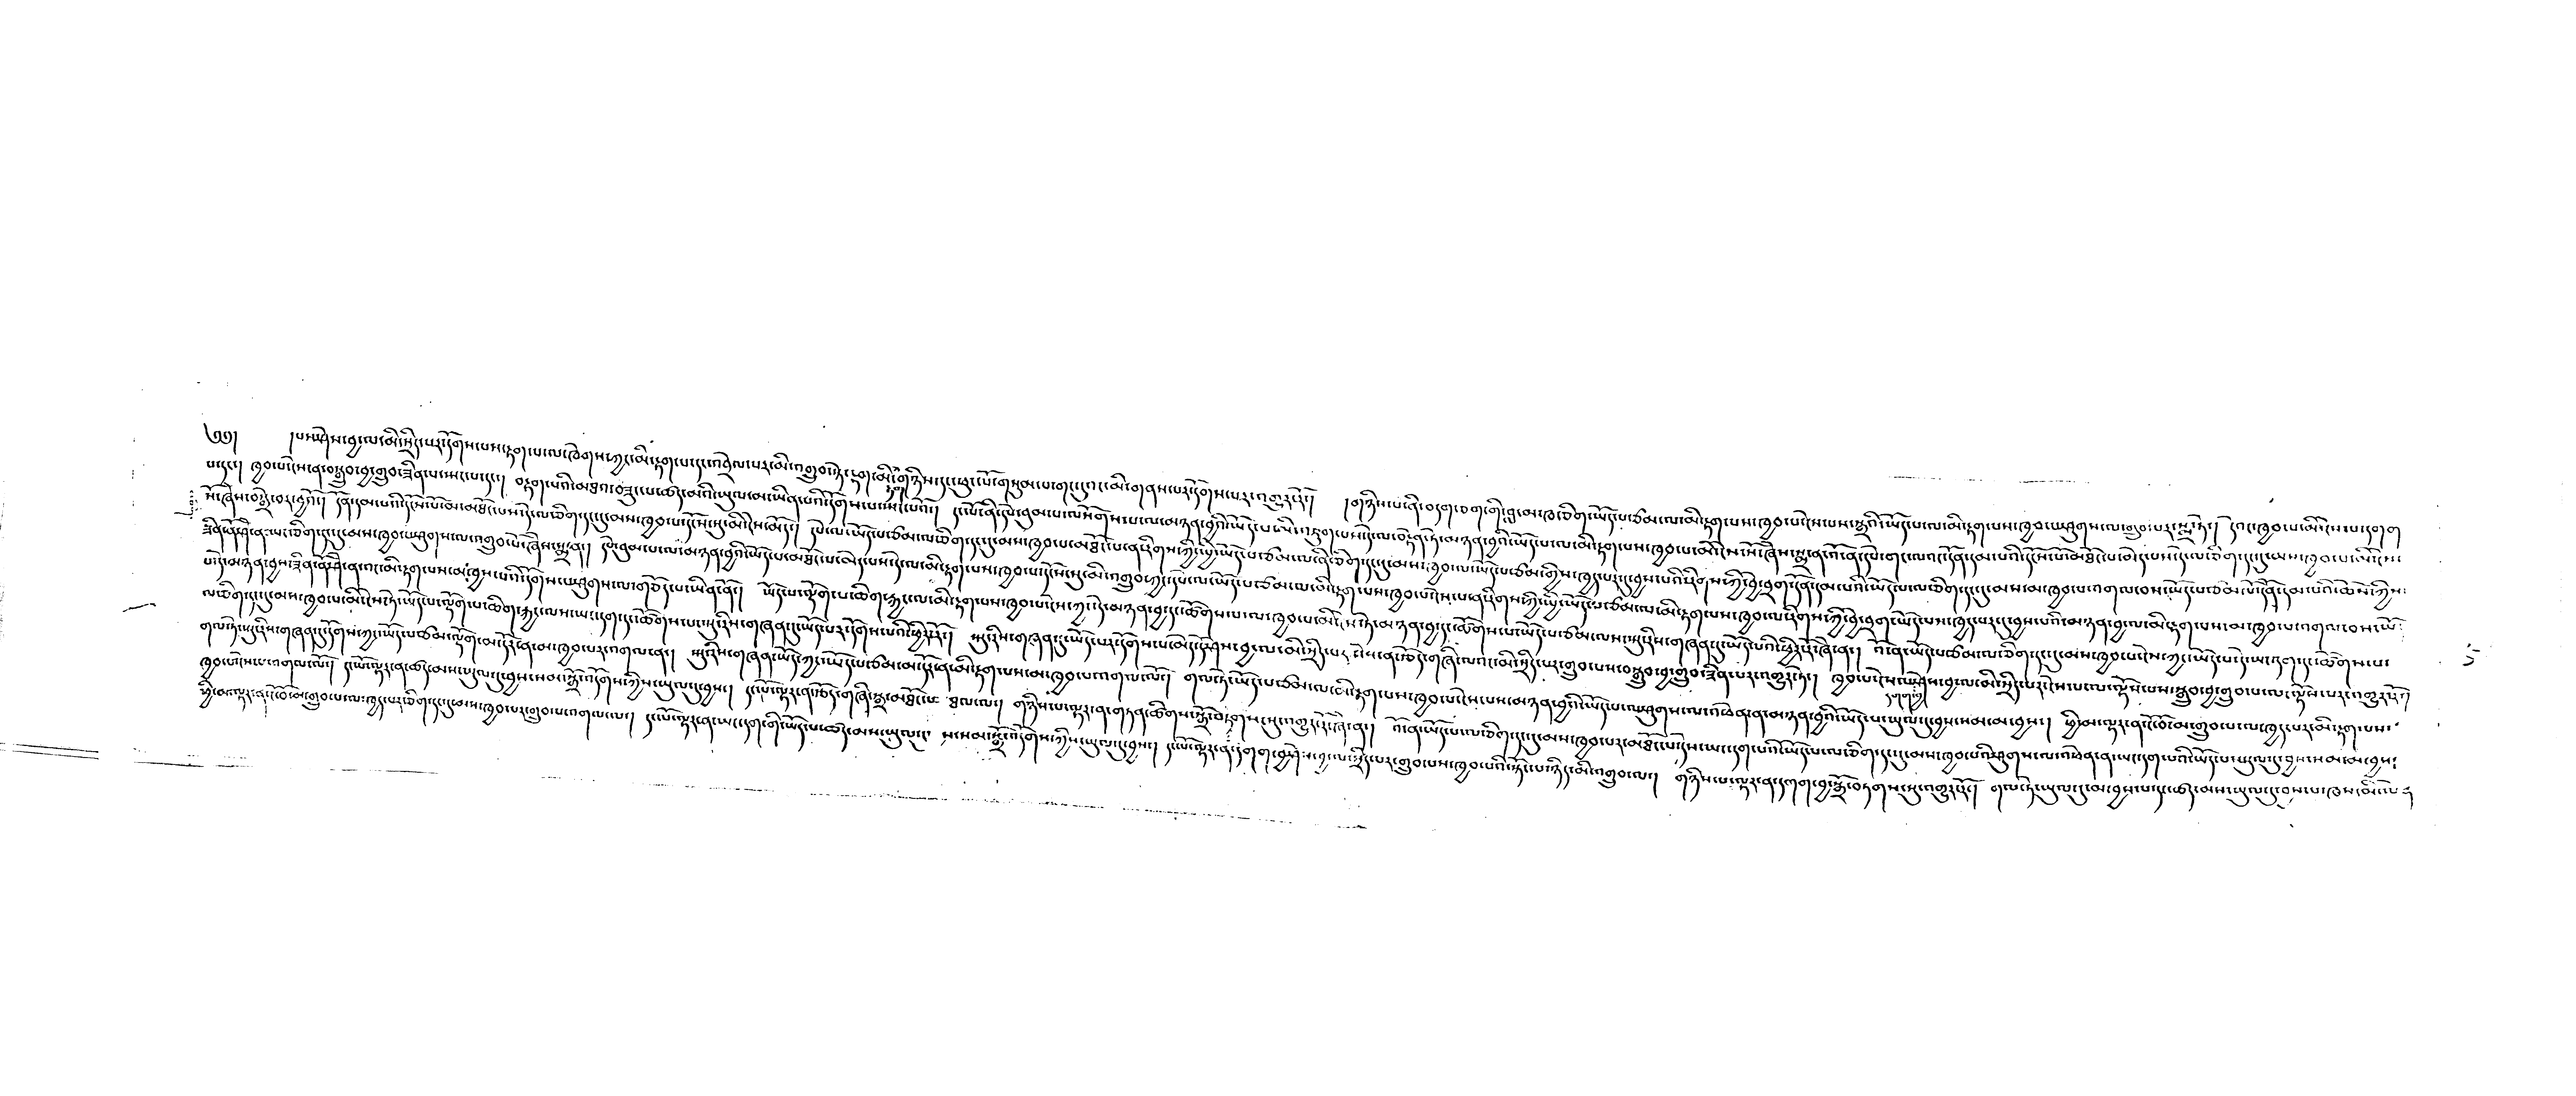༄༅། །པས་ཤེས་བྱ་ལ་མི་སྲིད་པར་དོགས་པས་རྟག་པ་ལ་ཁེགས་ཀྱང་མི་རྟག་པ་དང་འབྲེལ་པར་མི་འགྲུབ་སྟེ་རྟག་མི་རྟག་གཉིས་དང་ཕུང་པོ་གསུམ་པ་གང་དུའང་མི་གནས་པར་དོགས་པར་འགྱུར་རོ། །གཉིས་པ་ནི་བདག་ཅག་གི་བླ་མ་ཁ་ཅིག་ཡོད་པ་ཙམ་ལ་མི་རྟག་པས་ཁྱབ་པ་ངེས་པས་སྒྲའི་ཡོད་པ་ལ་མི་རྟག་པས་ཁྱབ་པ་ཤུགས་ལ་གྲུབ་པར་སྨྲ་ཏེ། དེའང་ཁྱབ་པ་མི་ངེས་པ་དགག་
པ་དང་། ཁྱབ་པ་ངེས་ན་བསྒྲུབ་བྱ་གྲུབ་ཟིན་པ་སྤང་པ་དང་། བརྟག་པའི་མཐའ་བཟུང་པ་ཚད་མའི་ཡུལ་མ་ཡིན་པའི་དོགས་པ་སྤང་པའོ། དང་པོ་ནི་དཔེ་བུམ་པ་ལ་སོགས་པ་ལ་མཉན་བྱའི་ཡོད་པ་མི་འཇུག་པས་དེ་ལ་བརྟེན་ཏེ་མཉན་བྱའི་ཡོད་པ་ལ་མི་རྟག་པས་ཁྱབ་པ་མི་ངེས་སོ་ཞེས་སྨྲ་ན་འོ་ན་དཔེ་གང་ལའང་དོན་དམ་པའི་དངོས་པོ་མཐོང་པ་མེད་པས་དེ་ལ་ཅིག་དང་དུ་མས་ཁྱབ་པ་མི་ངེས་
སོ་ཞེས་བསྒྲེ་བར་བྱའོ། དོན་དམ་པའི་དངོས་པོ་མ་མཐོང་པས་དེ་ལ་ཅིག་དང་དུ་མས་ཁྱབ་པ་དངོས་སུ་མི་ངེས་མོད། དཔེ་ལ་ཡོད་པ་ཙམ་ལ་ཅིག་དང་དུ་མས་ཁྱབ་པ་མཐོང་པ་ན་རིགས་ཀྱི་སྤྱི་ཡོད་པ་ཙམ་ལ་ནི་ཅིག་དང་དུ་མས་ཁྱབ་པ་ཡོད་པ་ཙམ་གྱིས་ཁྱད་པར་དུ་བྱས་པའི་རིགས་ཀྱི་བྱེ་བྲག་དོན་དམ་པའི་ཡོད་པ་ལ་ཅིག་དང་དུ་མས་མ་ཁྱབ་པ་འགལ་བས་ཡོད་པ་ཙམ་པོ་དོན་དམ་པའི་ཆོས་ཀྱིས་
ཟིན་ནོ་ཤེ་ནམས་ཅིག་དང་དུ་མས་ཁྱབ་པ་ཤུགས་ལ་འགྲུབ་པོ་ཞེས་སྨྲ་ན། དཔེ་བུམ་པ་ལ་མཉན་བྱའི་ཡོད་པ་མཐོང་པ་མེད་པས་དེ་ལ་མི་རྟག་པས་ཁྱབ་པ་དངོས་སུ་མི་འགྲུབ་ཀྱང་དཔེ་ལ་ཡོད་པ་ཙམ་ལ་མི་རྟག་པས་ཁྱབ་པ་ངེས་པ་ན་རིགས་ཀྱི་སྤྱི་ཡོད་པ་ཙམ་ལ་མི་རྟག་པས་ཁྱབ་ལ་རིགས་ཀྱི་བྱེ་བྲག་ཡོད་པས་ཁྱད་པར་དུ་བྱས་པའི་མཉན་བྱ་ལ་མི་རྟག་པས་མ་ཁྱབ་པ་འགལ་བས་ཡོད་
པ་དེ་མཉན་བྱས་ཟིན་ནོ་ཤེ་ན་འང་མི་རྟག་པས་མ་བྱས་པའི་དོགས་པ་ཤུགས་ལ་གཅོད་པ་ཡིན་ནོ། ཡོད་པ་ལྡོག་པ་ཆིག་རྐྱང་ལ་མི་རྟག་པས་ཁྱབ་པ་ངེས་ཀྱང་དེ་མཉན་བྱ་དང་ཚོགས་པ་ལ་ཁྱབ་པ་མི་ངེས་ཏེ་མཉན་བྱ་དང་ཚོགས་པ་ཡོད་པ་ཙམ་ལས་སུ་རིས་གཞན་དུ་ཡོད་པའི་ཕྱིར་རོ་ཞེ་ན། འོ་ན་ཡོད་པ་ཙམ་ལ་ཅིག་དང་དུ་མས་ཁྱབ་པ་ངེས་ཀྱང་ཡོད་པ་དེ་ཡང་དག་དང་ཚོགས་པ་
ལ་ཅིག་དང་དུ་མས་ཁྱབ་པ་མི་ངེས་ཏེ་ཡོད་པ་ལྡོག་པ་ཆིག་རྐྱང་ལས་ཡང་དག་དང་ཚོགས་པ་སུ་རིས་གཞན་དུ་ཡོད་པར་དགོས་པའི་ཕྱིར་རོ། སྤུ་རིས་གཞན་དུ་ཡོད་པར་དོགས་པ་མེད་དོ་ཤེས་བྱ་ལ་མི་སྲིད་པར་བོས་ན་རྩོད་གཞི་ལའང་མི་སྲིད་པར་གྲུབ་པས་བསྒྲུབ་བྱ་གྲུབ་ཟིན་པར་འགྱུར་ཏེ། ཁྱབ་པ་ངེས་པ་དགག་བྱ་ཤེས་བྱ་ལ་མི་སྲིད་པར་ངེས་པ་ལ་ལྟོས་པས་སྒྲུབ་བྱ་གྲུབ་པ་ལ་ལྟོས་པར་འགྱུར་རོ།
གལ་ཏེ་སྤུ་རིས་གཞན་དུ་དོགས་ཀྱང་ཡོད་པ་ཙམ་ལྡོག་མ་དོར་ན་མ་ཁྱབ་པར་འགལ་ན། སྤུ་རིས་གཞན་ཡོད་ཀྱང་ཡོད་པ་ཙམ་མ་དོར་ན་མི་རྟག་པ་སྨ་ཁྱབ་པ་འགལ་ལོ། གལ་ཏེ་ཡོད་པ་ཙམ་ལ་མི་རྟག་པས་ཁྱབ་པ་ངེས་པས་མཉམ་བྱའི་ཡོད་པ་ལ་ཤུགས་ལ་འཕེན་ན་མཉན་བྱའི་ཡོད་པ་ཡུལ་དུ་བྱས་སམ་མ་བྱས། ཕྱི་མ་ལྟར་ན་ངོ་བོ་མ་གྲུབ་པ་ལ་ཁྱད་པར་མི་རྟག་པས་
ཁྱབ་པ་ངེས་པ་འགལ་ལོ། དང་པོ་ལྟར་ན་ཚད་མས་ཡུལ་དུ་བྱས་སམ་སྒྲོ་འདོགས་ཀྱིས་ཡུལ་དུ་བྱས། དང་པོ་ལྟར་ན་རྩོད་གཞི་སྒྲ་མཐོང་བ་ཐལ་ལ། གཉིས་པ་ལྟར་ན་གཏན་ཚིགས་སྒྲོ་བཏགས་སུ་འགྱུར་རོ་ཞེ་ན། འོ་ན་ཡོད་པ་ལ་ཅིག་དང་དུ་མས་ཁྱབ་པར་མཐོང་པ་དེས་ཡང་དག་པའི་ཡོད་པ་ལ་ཅིག་དང་དུ་མས་ཁྱབ་པའི་ཤུགས་ལ་འཕེན་ན་ཡང་དག་པའི་ཡོད་པ་ཡུལ་དུ་བྱས་སམ་མ་བྱས་
ཕྱི་མ་ལྟར་ན་ངོ་བོ་མ་གྲུབ་པ་ལ་ཁྱད་པར་ཅིག་དང་དུ་མས་ཁྱབ་པར་གྲུབ་པ་འགལ་ལ། དང་པོ་ལྟར་ན་ཡང་དག་གི་ཡོད་པ་ཚད་མས་ཡུལ་དུ་?་སམ་སྒྲོ་འདོགས་ཀྱིས་ཡུལ་དུ་བྱས། དང་པོ་ལྟར་ན་དགག་བྱ་ཤེས་བྱ་ལ་སྲིད་པར་གྲུབ་པས་ཁྱབ་པའི་སྟོང་པ་ཉིད་མི་འགྲུབ་ལ། གཉིས་པ་ལྟར་ན་དགག་བྱ་སྒྲོ་བཏགས་སུ་འགྱུར་རོ། གལ་ཏེ་ཡུལ་དུ་མ་བྱས་པ་དང་ཚད་མས་ཡུལ་དུ་བྱ་པ་ཁས་མི་ལེན་